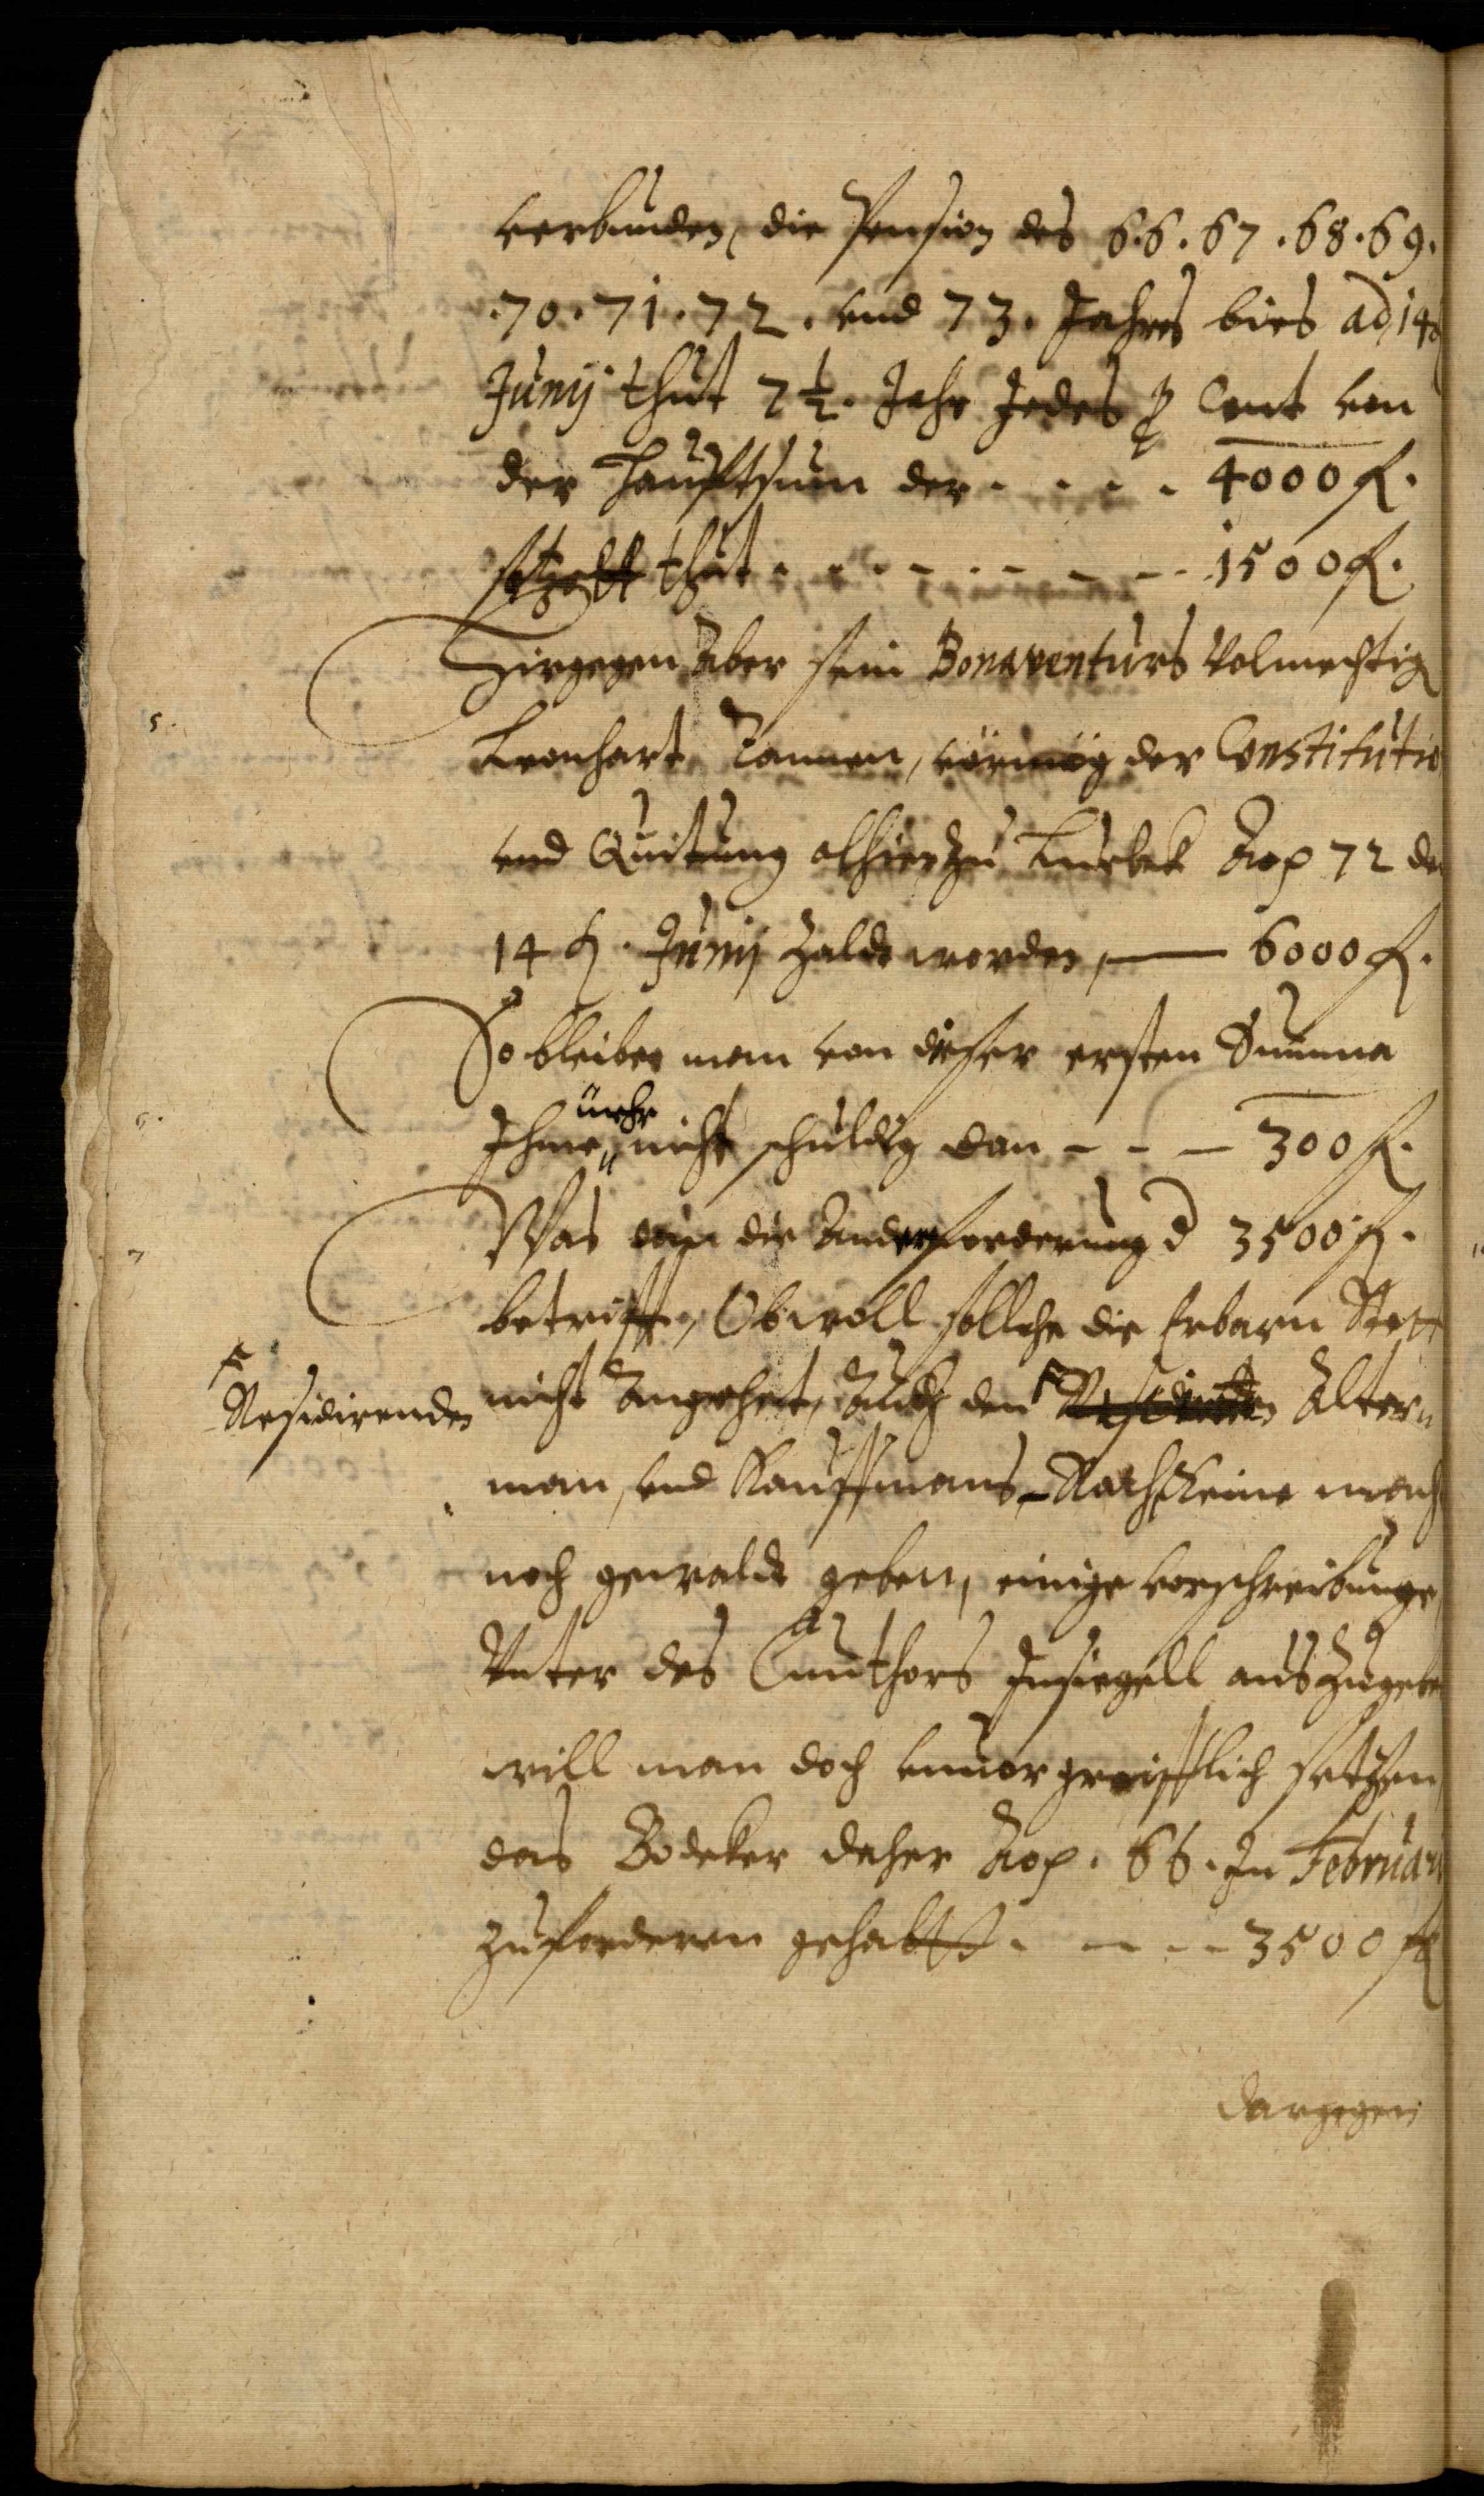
verbunden, die Pension des 66. 67. 68. 69.
70. 71. 72. vnd 73. Jahres bies ad 14ten
Junij thut 2 ½. Iahr Jedes pro Cent von
der Hauptsum der .... 4000 f.
setzett thut .......... 1500 f.
Hirgegen aber sein Bonaventurs Volmechtigen
Leonhart Tannen, vörmög der Constitutio
vnd Quitung alhier zu Luebek Ao p 72 de
14ten Junij zaldt worden _ 6000 f.
So bleiben mam von dieser ersten Summa
Ihme mehr nicht schuldig dan ___ 300f.
Was dan die Andere forderung der 3500 f.
betrift, Obwohl sollche die Erbarn Statt
nicht angehet, Auch den F Resedirten Alter¬
man, vnd Kauffmans-Rath keine macht
noch gewaldt geben, einige vorschreibunge
Vnter des Cunthors Insiegell auszugebe
will man doch vnuorgreifflich setzen,
das Bodeker daher Ao p. 66. in Februari
zuforderen gehabtt ..... 3500 f.
dargegen
F
Residirenden
